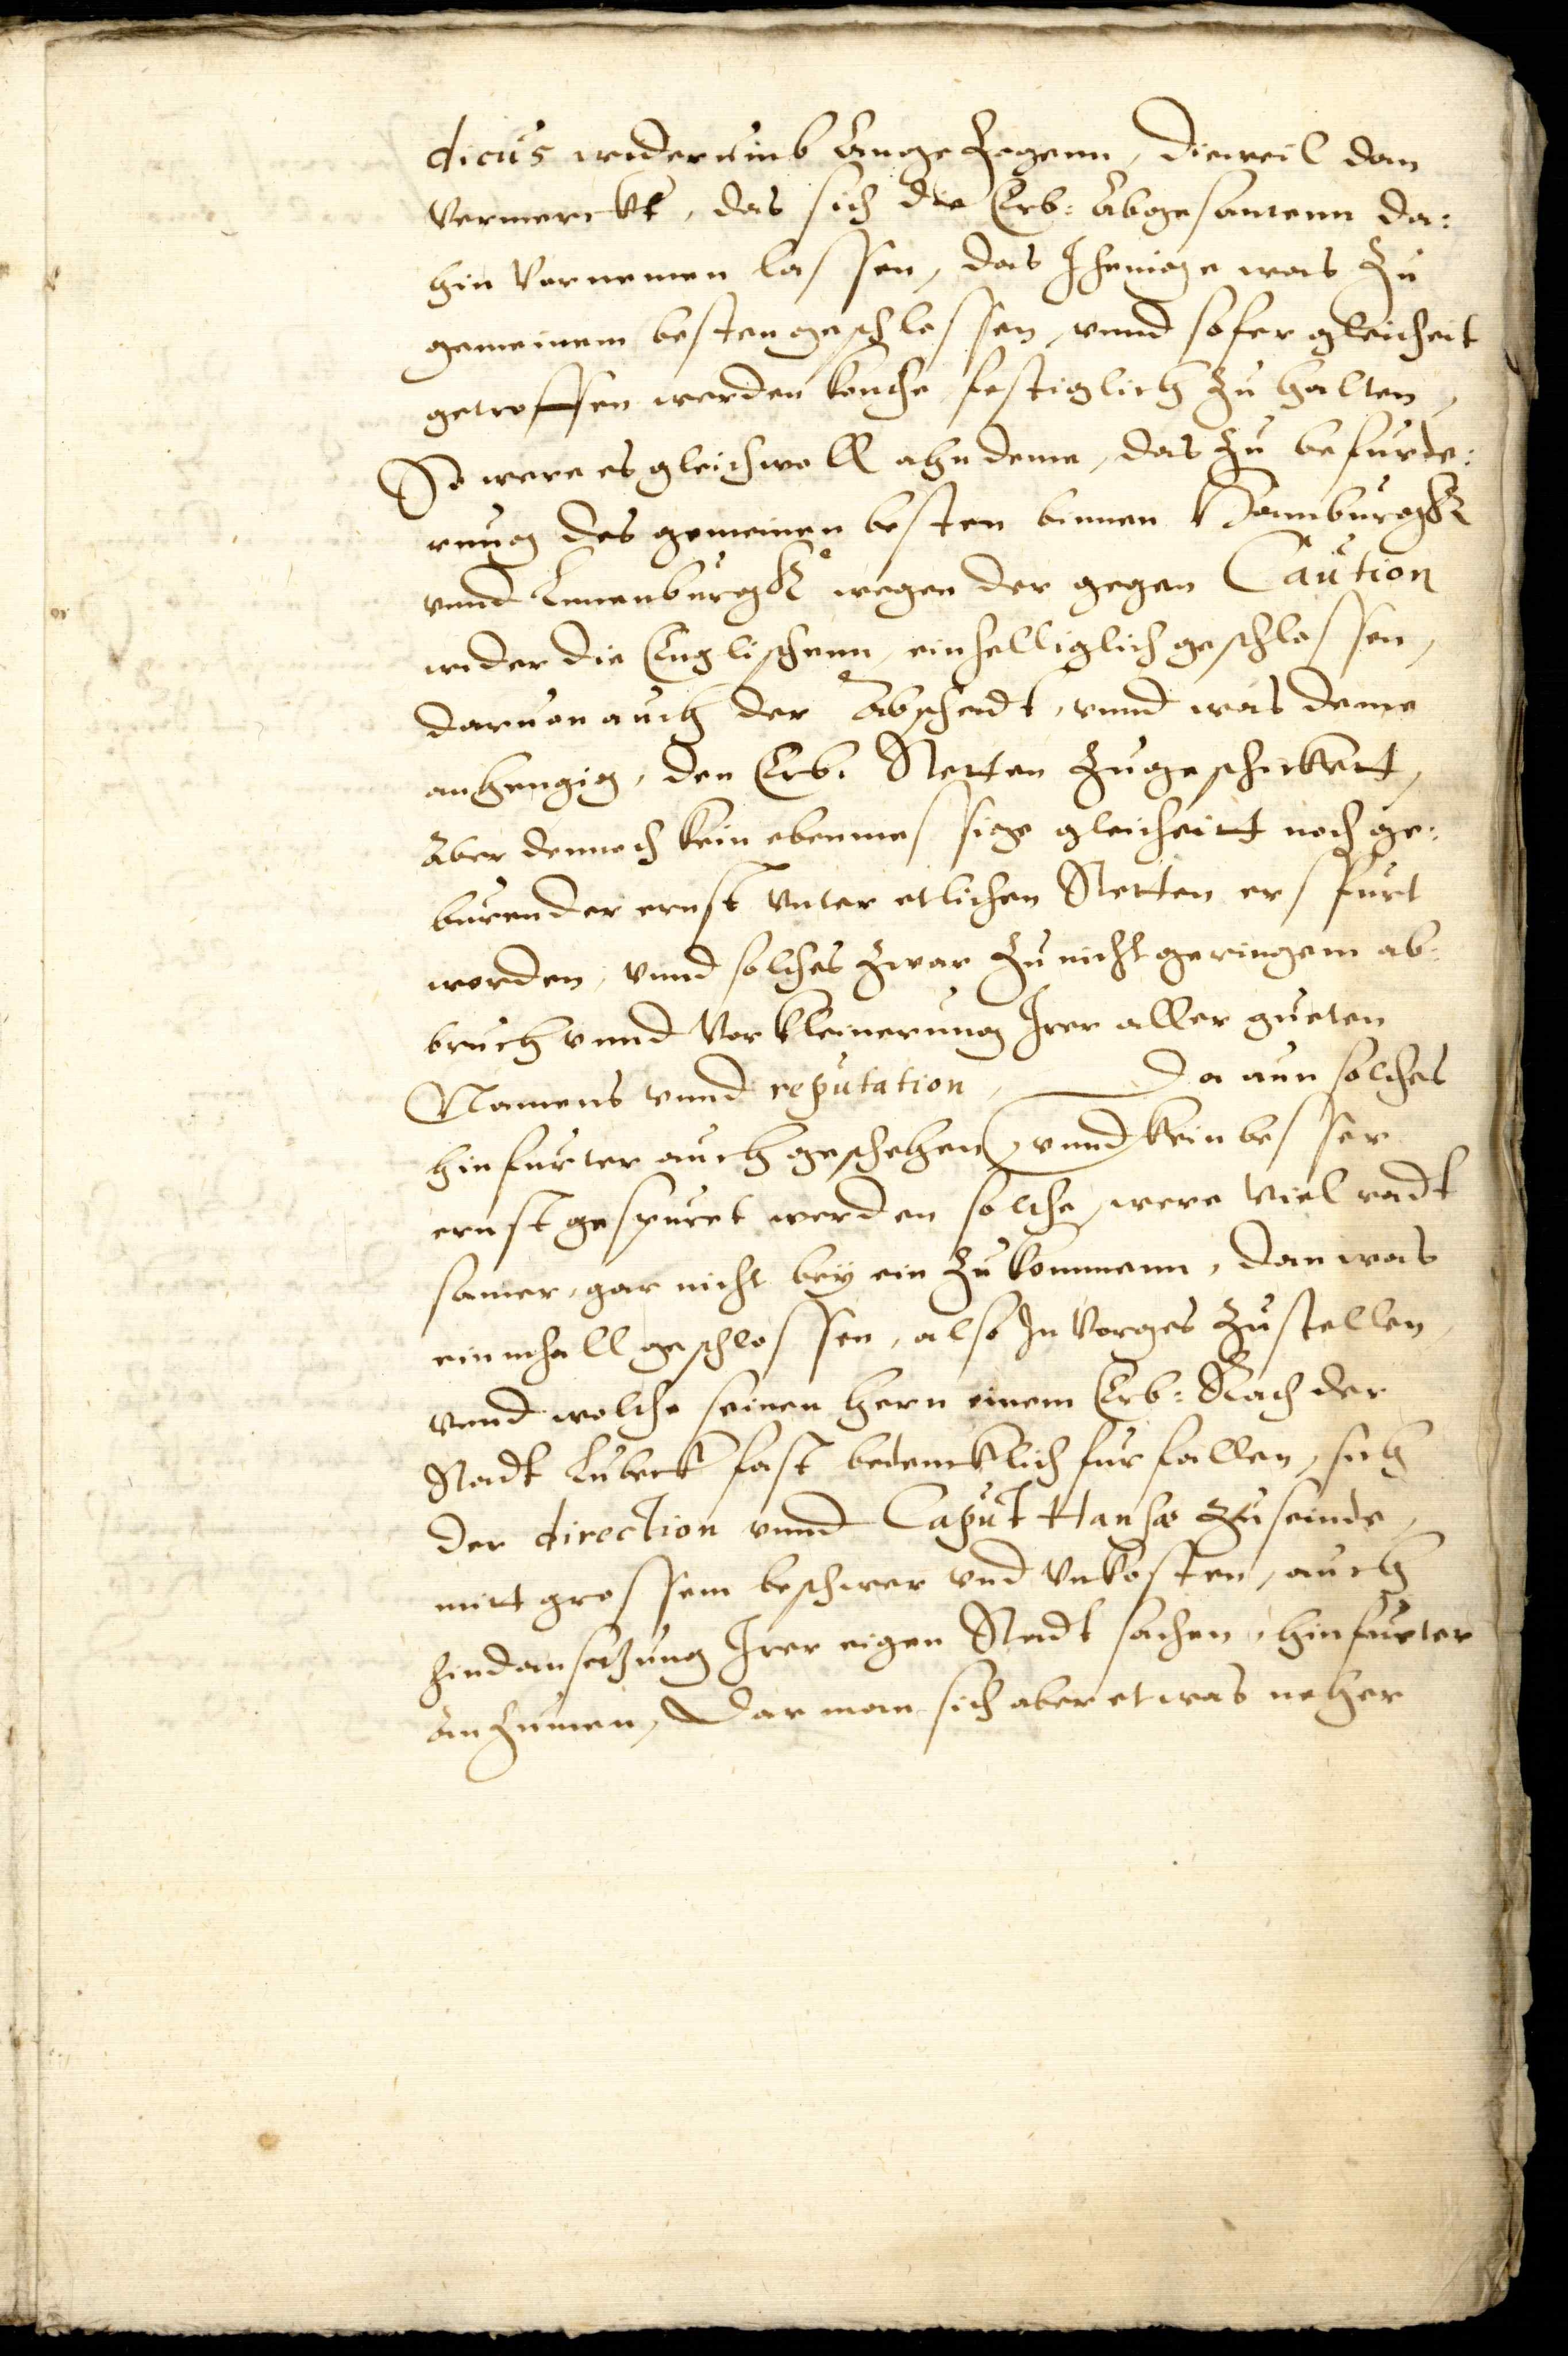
dicus widerumb Angezogenn, dieweil dan
vermerckt, das sich die Erb: Abgesantenn da¬
hin vornemen lassen, das Jhenige was zu
gemeinem besten geschlossen, vnnd sofer gleicheit
getroffen werden konthe, festiglich zu halten,
So were es gleichwoll ahn deme , das zu befurde¬
rung des gemeinen besten binnen Hamburgk
vnnd Lunenburgk wegen der gegen Caution
wider die Englischenn, einhelliglich geschlossen,
daruon auch der Abscheidt, vnnd was deme
anhengig, den Erb: Stetten zugeschickett,
aber dennoch kein ebenmessige gleicheitt noch ge¬
burender ernst vnter etlichen Stetten erffurt
worden, vnnd solches zwar zu nicht geringem ab¬
bruch vnnd vorkleinerung Jrer aller gueten
Namens vnnd reputation, Da nun solches
hinfurter auch geschehen, vnnd kein besser
ernst gespuret werden solthe, were viel radt
samer, gar nicht beij ein zu kommenn, dan was
einmhall geschlossen, also Jn vorges zu stellen,
vnnd wolthe seinen hern einem Erb: Rath der
Stadt Lubeck fast bedencklich fur fallen, sich
der direction vnnd Caput Hansae zu seinde,
mitt grossem beschwer vnd unkosten, auch
hindansetzung Jrer eigen Stadt sachen, hinfurter
anzumen, Dar man sich aber etwas neher
